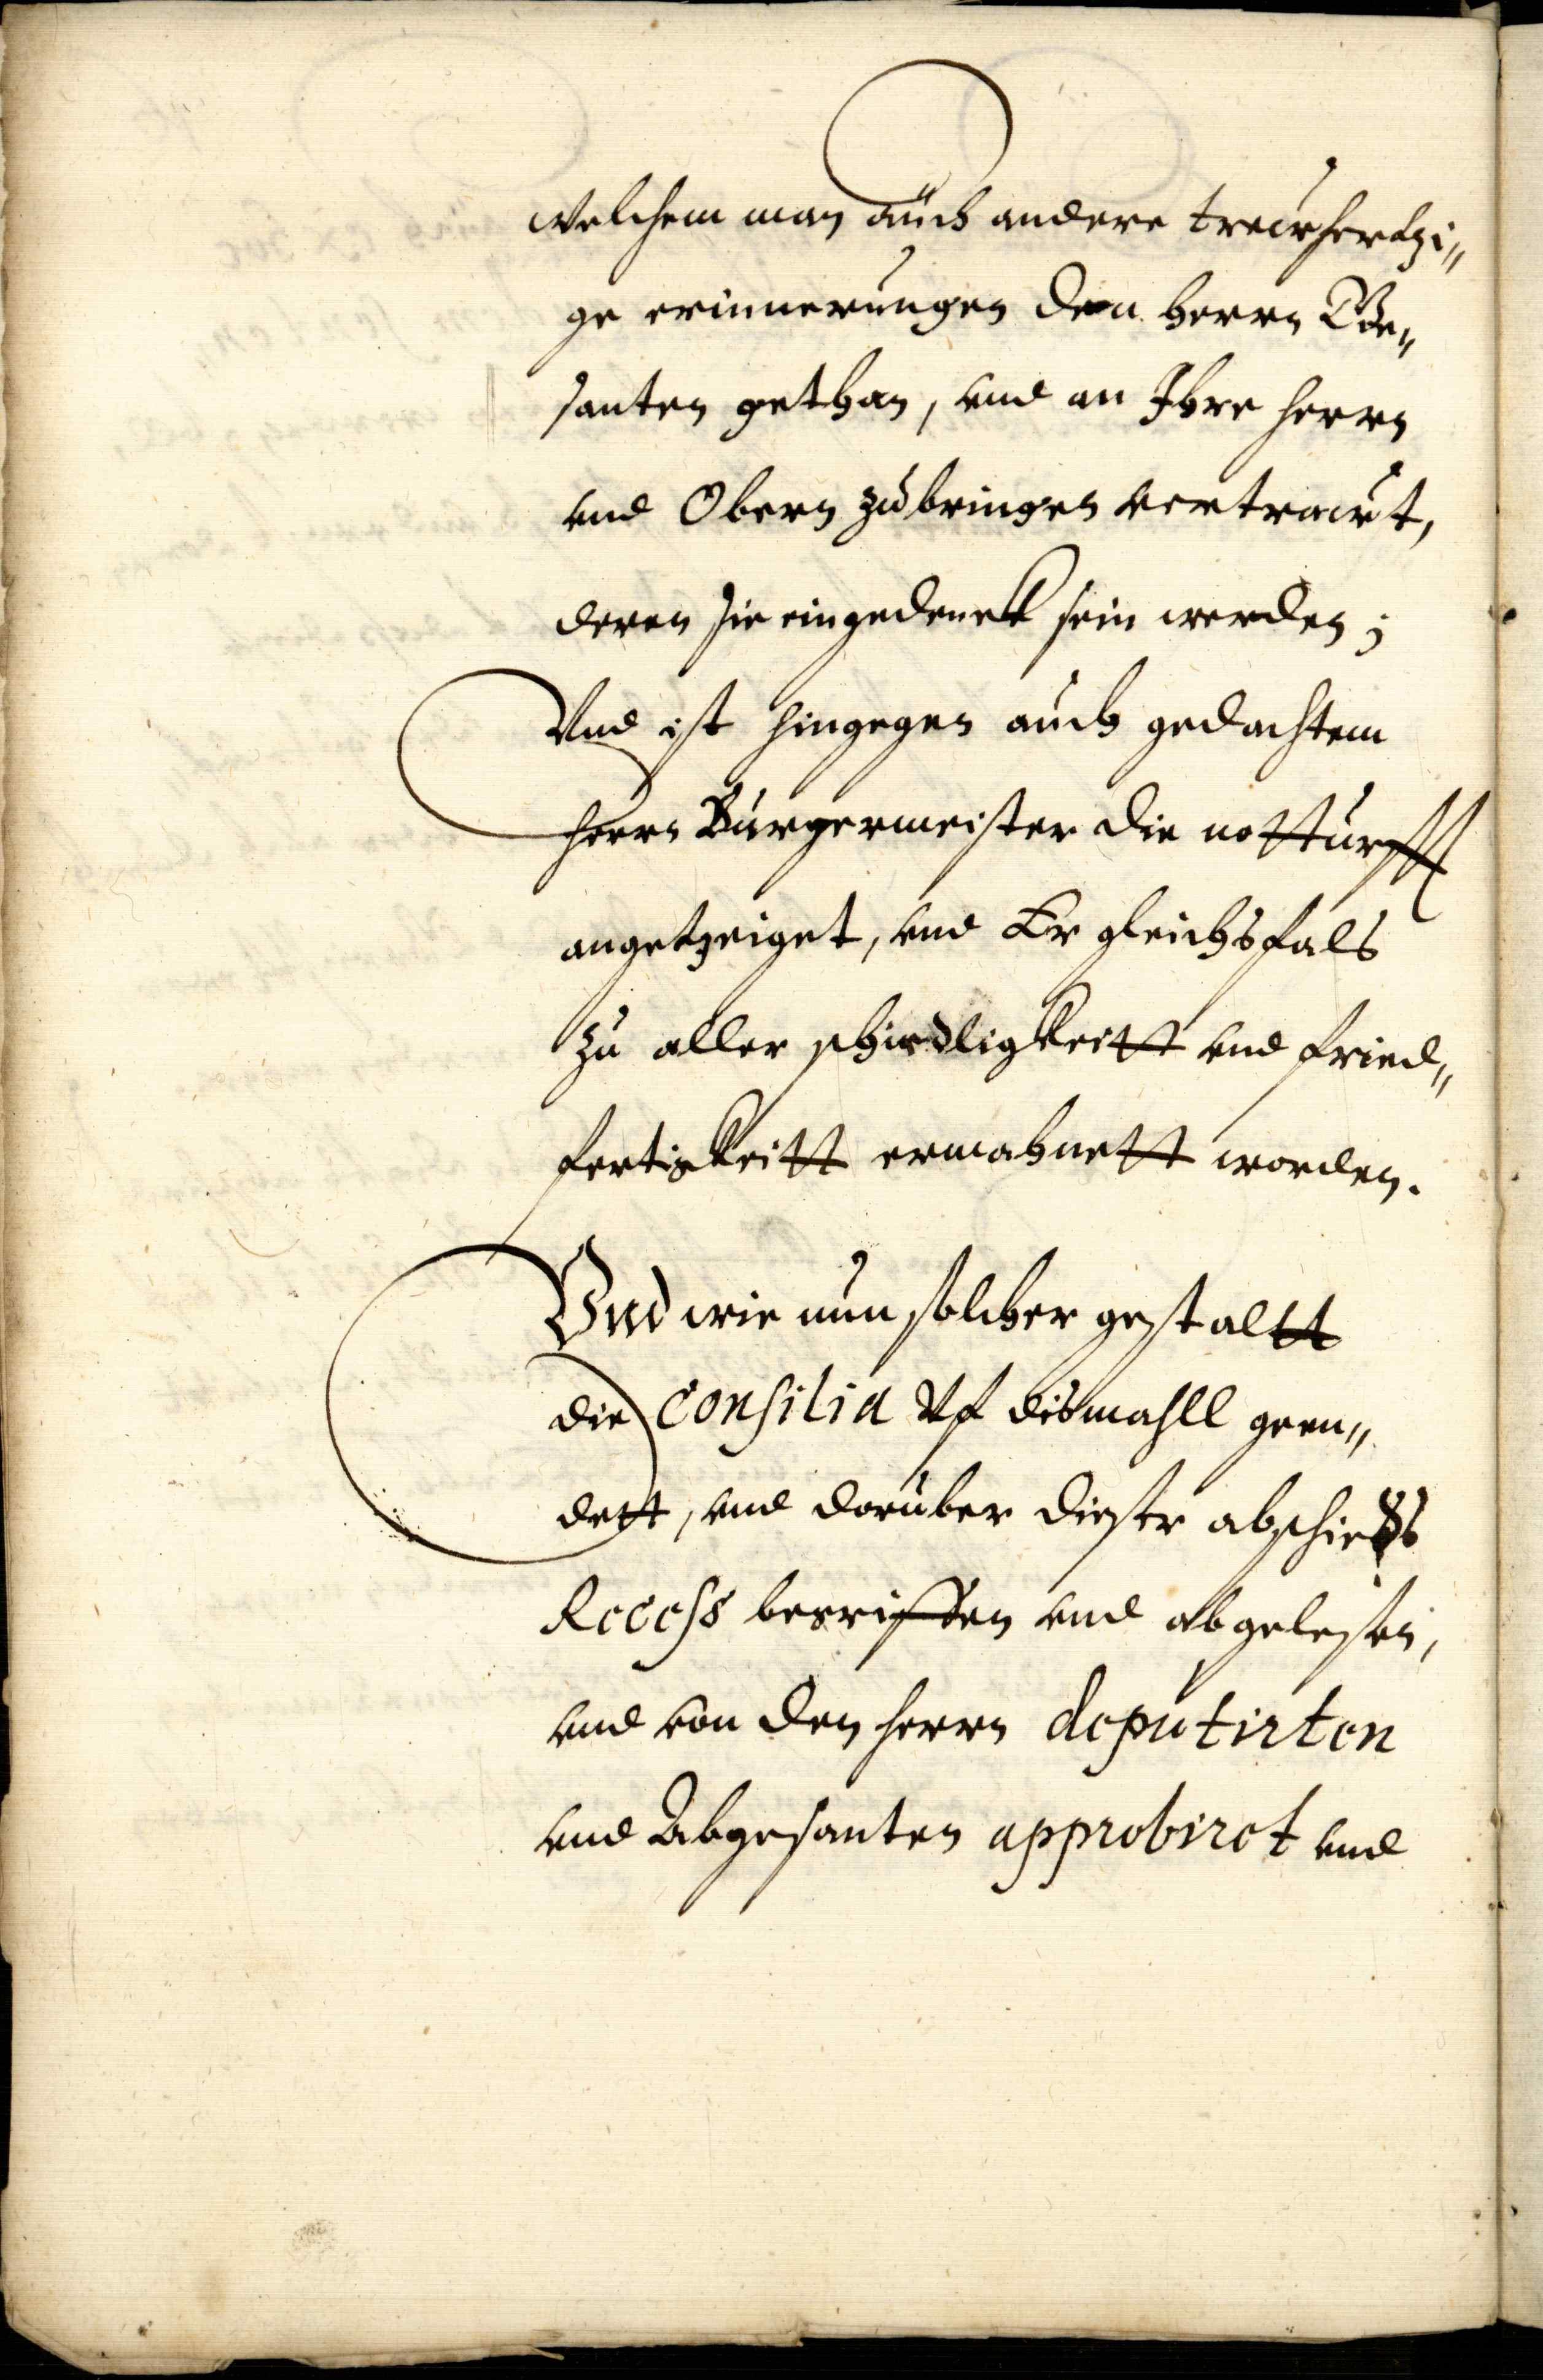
welchem man aüch andere trewhertzi¬
ge erinnerungen den herrn Ge¬
santen gethan, vnd an Ihre herrn
vnd Obern zubringen vertrawt,
deren sie eingedenck sein werden;
Vnd ist hingegen auch gedachtem
herrn Burgermeister die notturfft
angetzeiget, vnd Er gleichsfals
zu aller schirdligkeitt vnd fried¬
fertigkeitt ermahnett worden.
Und wie nun solcher gestaltt
die consilia vf dismahll geen¬
dett, vnd doruber dieser abschieds
Recess begriffen vnd abgelesen,
vnd von den herrn deputirten
vnd Abgesanten approbiret vnd
